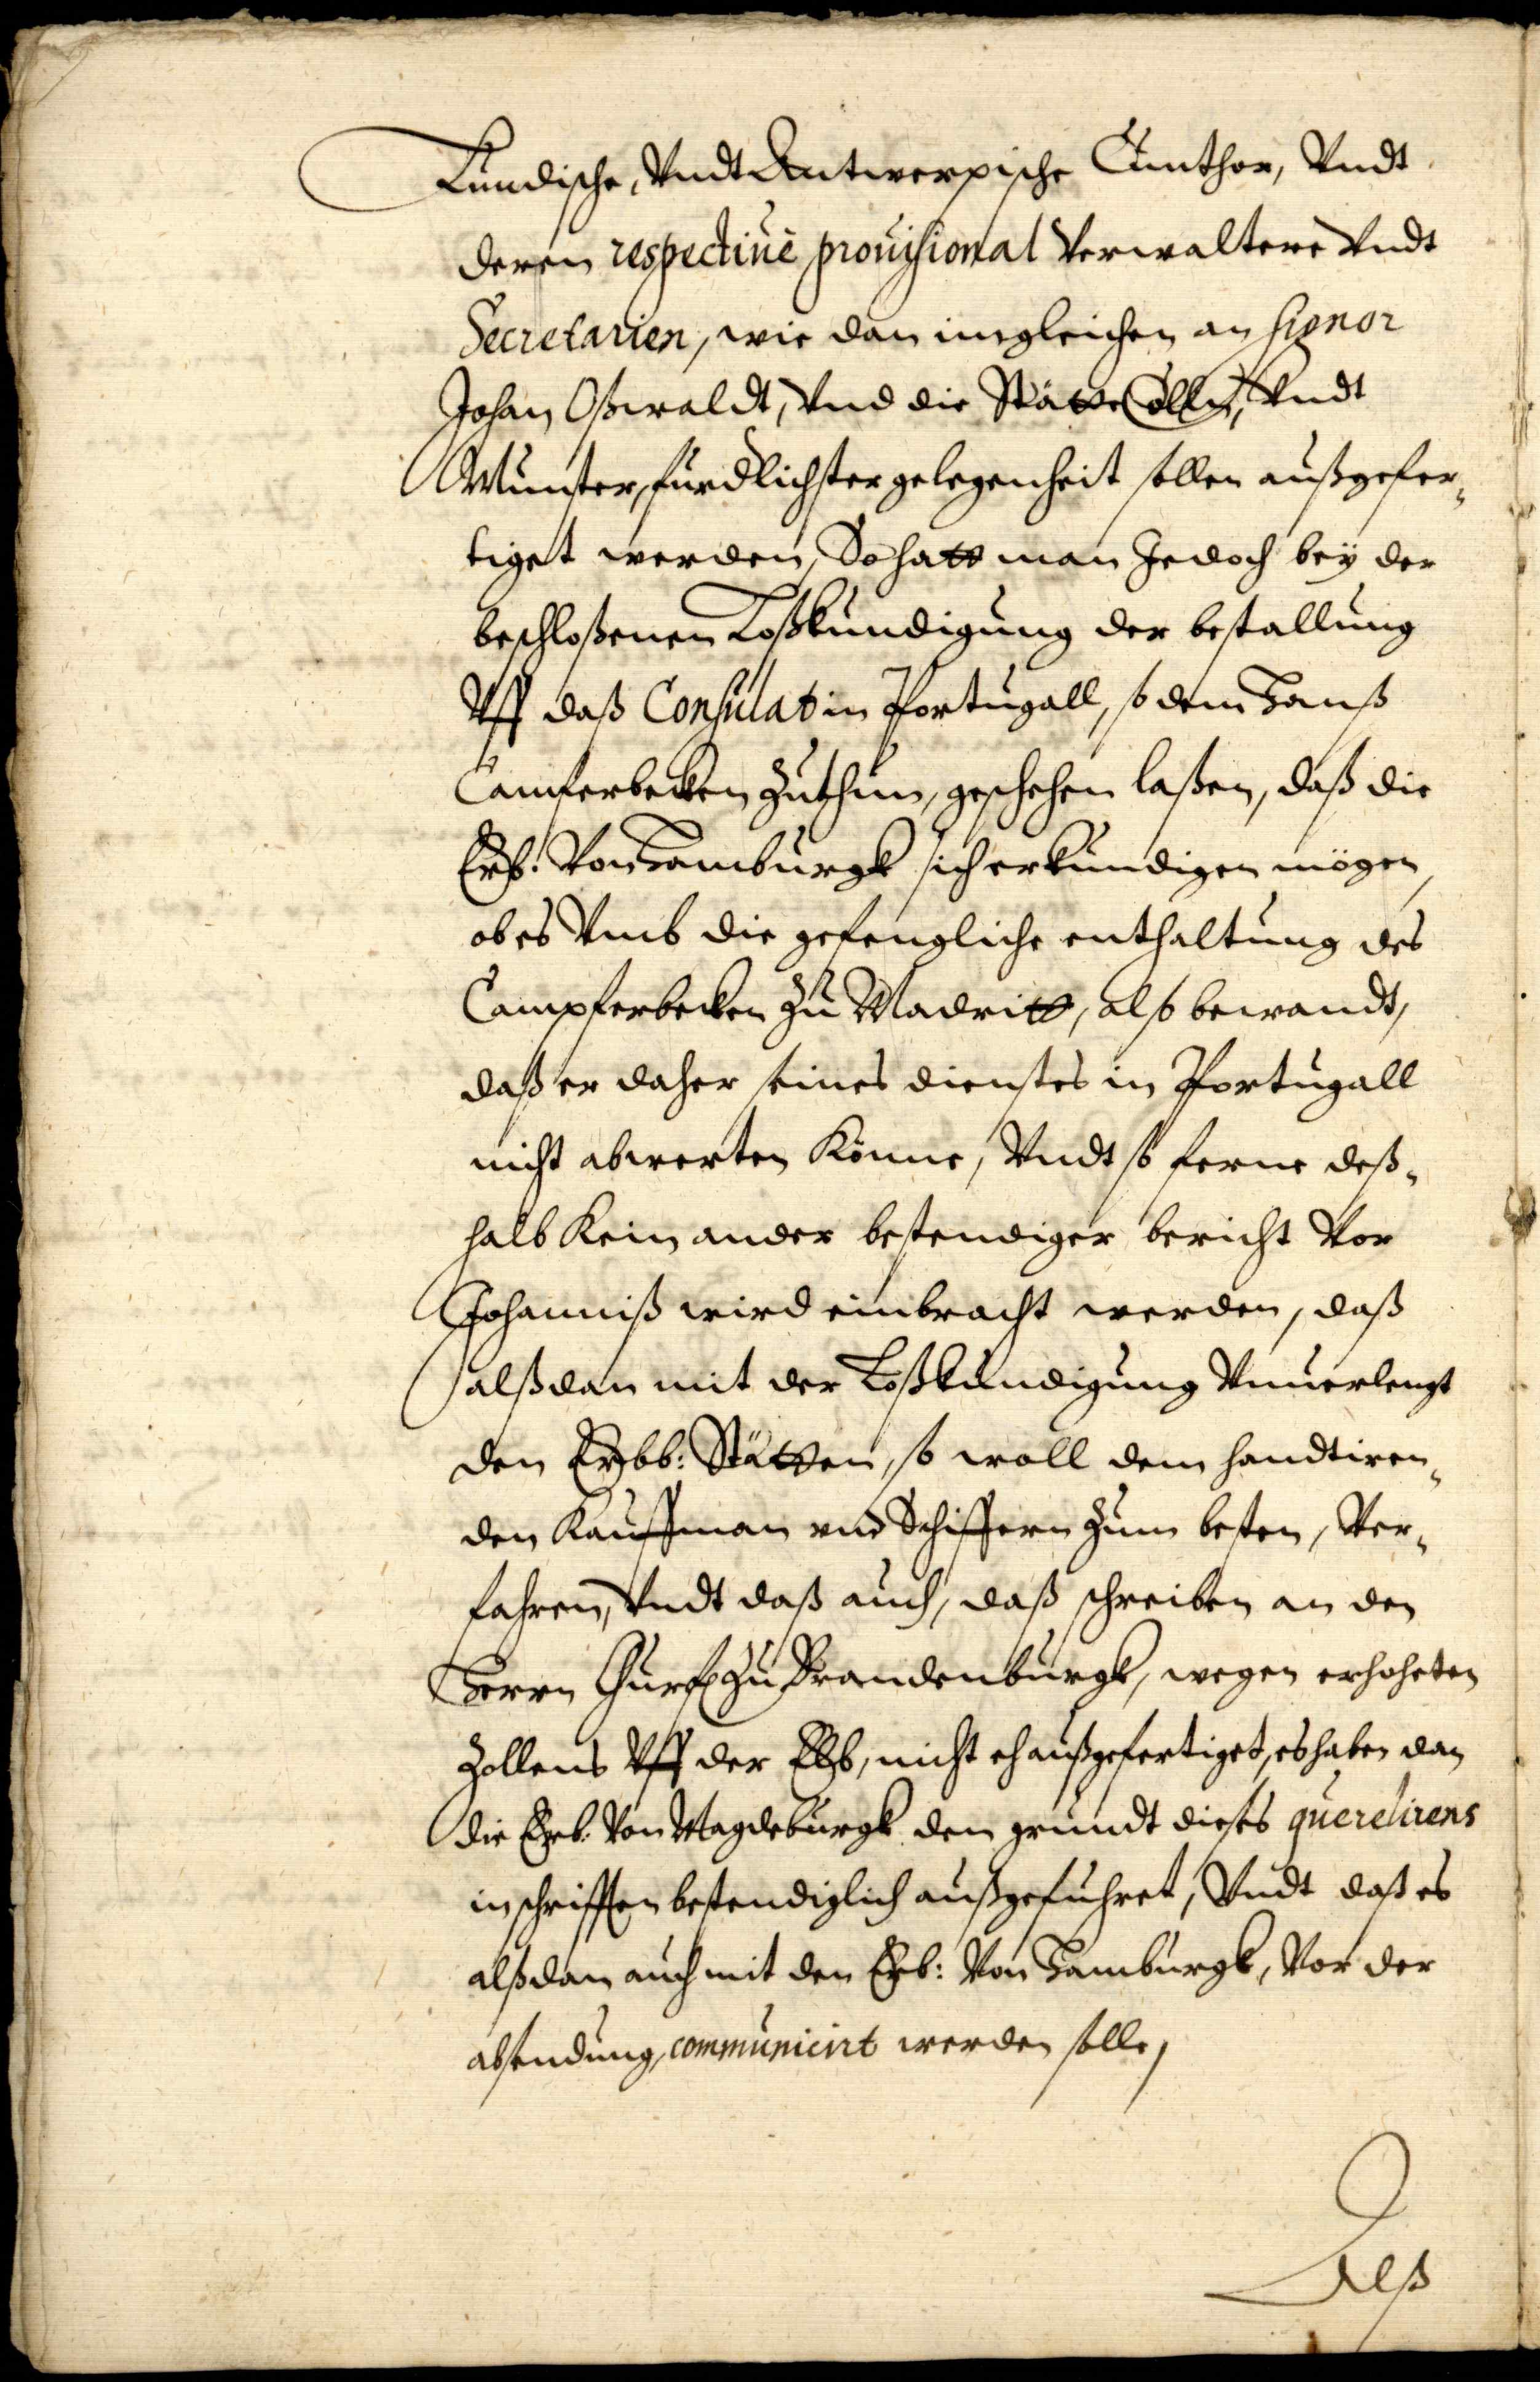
Lundische, Vndt Antwerpische Cunthor, Vndt
deren respectiu prouisional Verwaltere Vndt
Secretarien, wie dan imgleichen an signor
Johan Oßwaldt, Vnd die Stätte Colln, Vndt
Munster, furderlichster gelegenheit sollen außgefer¬
tiget werden, So hatt man jedoch beij der
beschloßenen Loßkundigung der bestallung
Vff daß Consulat in Portugall, so dem Hanß
Camferbecken Zuthun, geschehen laßen, daß die
Erb. Von Hamburgk sich erkundigen mögen,
ob es Vmb die gefengliche enthaltung des
Campferbecken zu Madritt, also bewandt,
daß er daher seines dienstes in Portugall
nicht abwerten könne, Vndt so ferne deß¬
halb kein ander bestendiger bericht Vor
Johanniß wird einbracht werden, daß
alßdan mit der Losßkundigung Vnuerlengt
den Erbb: Stätten, so woll dem handtiren¬
den Kauffman vnd Schiffern zum besten, Ver¬
fahren, Vndt daß auch, daß schreiben an den
Herrn Churf. zu Brandenburgk, wegen erhoheten
Zollens Vff der Elb, nicht eh außgefertiget, es haben dan
die Erb: Von Magdeburgk den grundt dieses querelirens
in schrifften bestendiglich außgefuhret, Vndt daß es
alßdan auch mit den Erb: Von Hamburgk, Vor der
absendung, communicirt werden solle,
Alß
